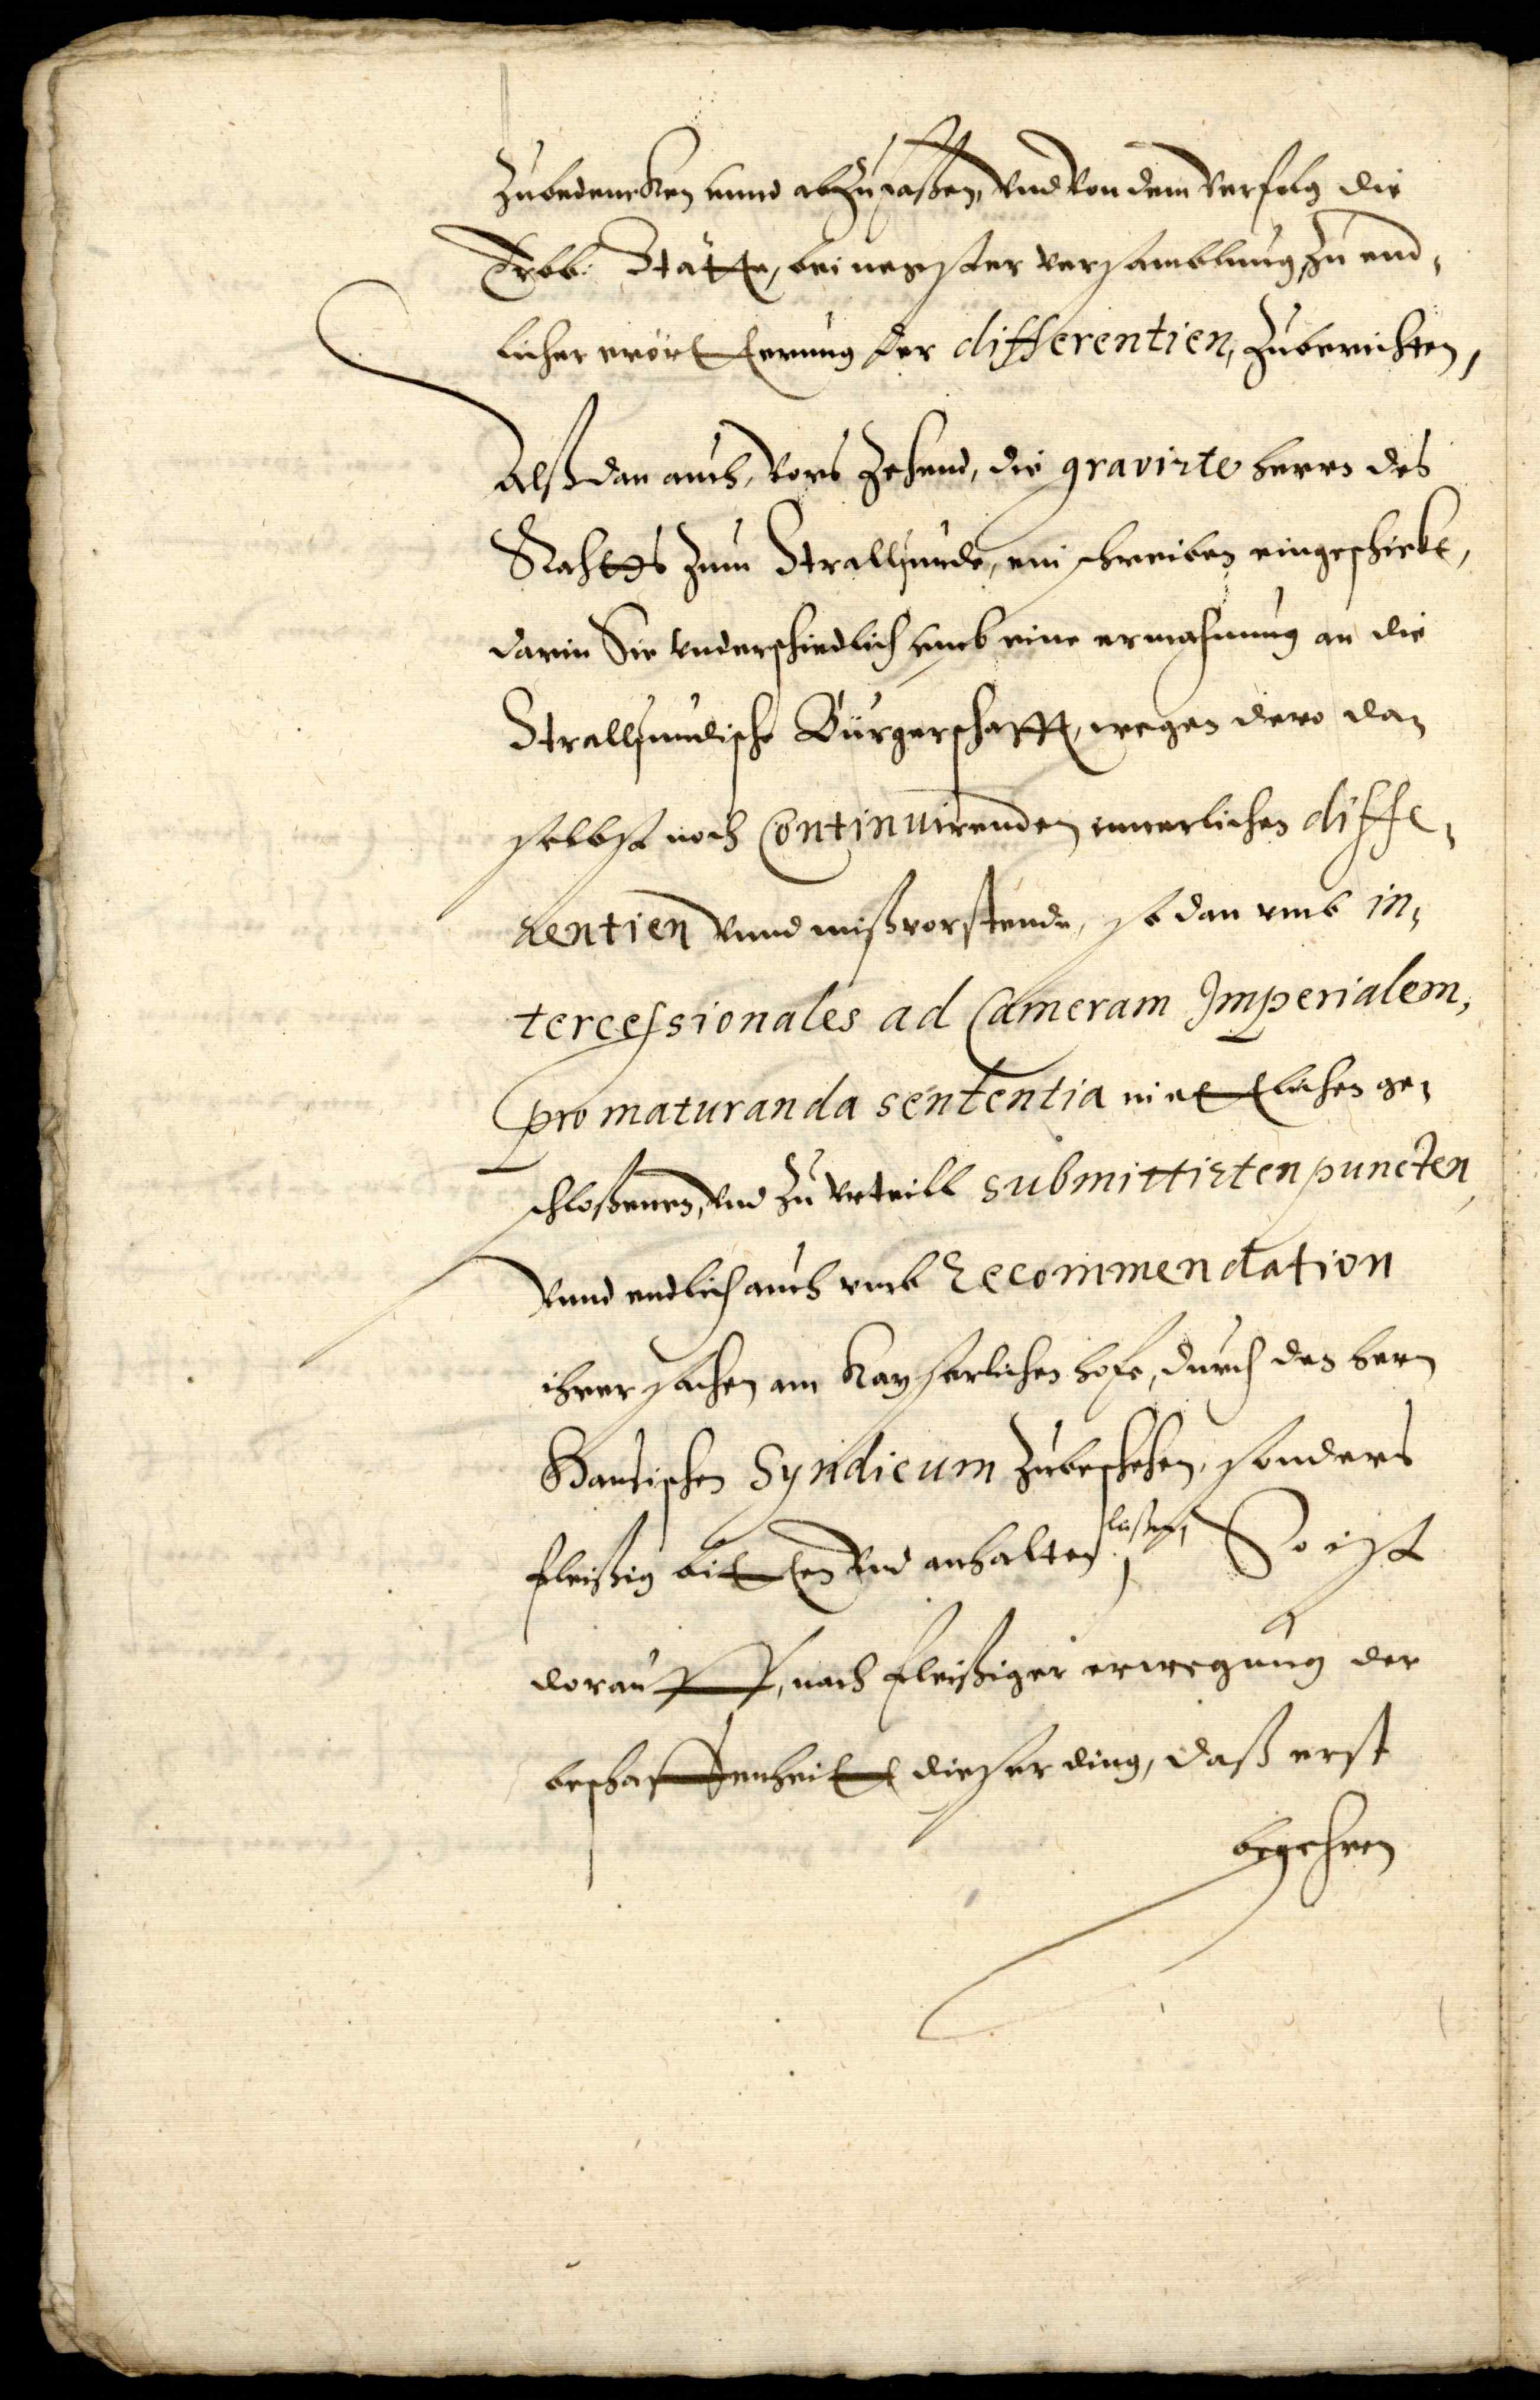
zubedencken vnnd abzufaßen, vnd von dem verfolg die
Erbb: Stätte, bei negster versamblung, zu end¬
licher erörtterung der differentien, zuberichten,
Alßdan auch, vors zehend, die gravirte herrn des
Rahtts zum Strallsunde, ein schreiben eingeschickt,
darin sie vnderschiedlich vmb eine ermahnung an die
Strallsundische Bürgerschafft, wegen dero da¬
selbst noch continuirenden innerlichen diffe¬
rentien vnnd mißvorstende, so dan vmb in¬
tercessionales ad Cameram Imperialem,
pro maturanda sententia in ettlichen ge¬
schloßenen, vnd zu vrteill submittirten puncten,
vnnd endlich auch vmb recommentation
ihrer sachen am kayserlichen hofe, durch des hern
Hansischen Syndicum zubeschehen, sonders
fleißig bitten vnd anhalten laßen, So ist
dorauff, nach fleißiger erwegung der
beschaffenheitt dieser ding, daß erst
begehren
